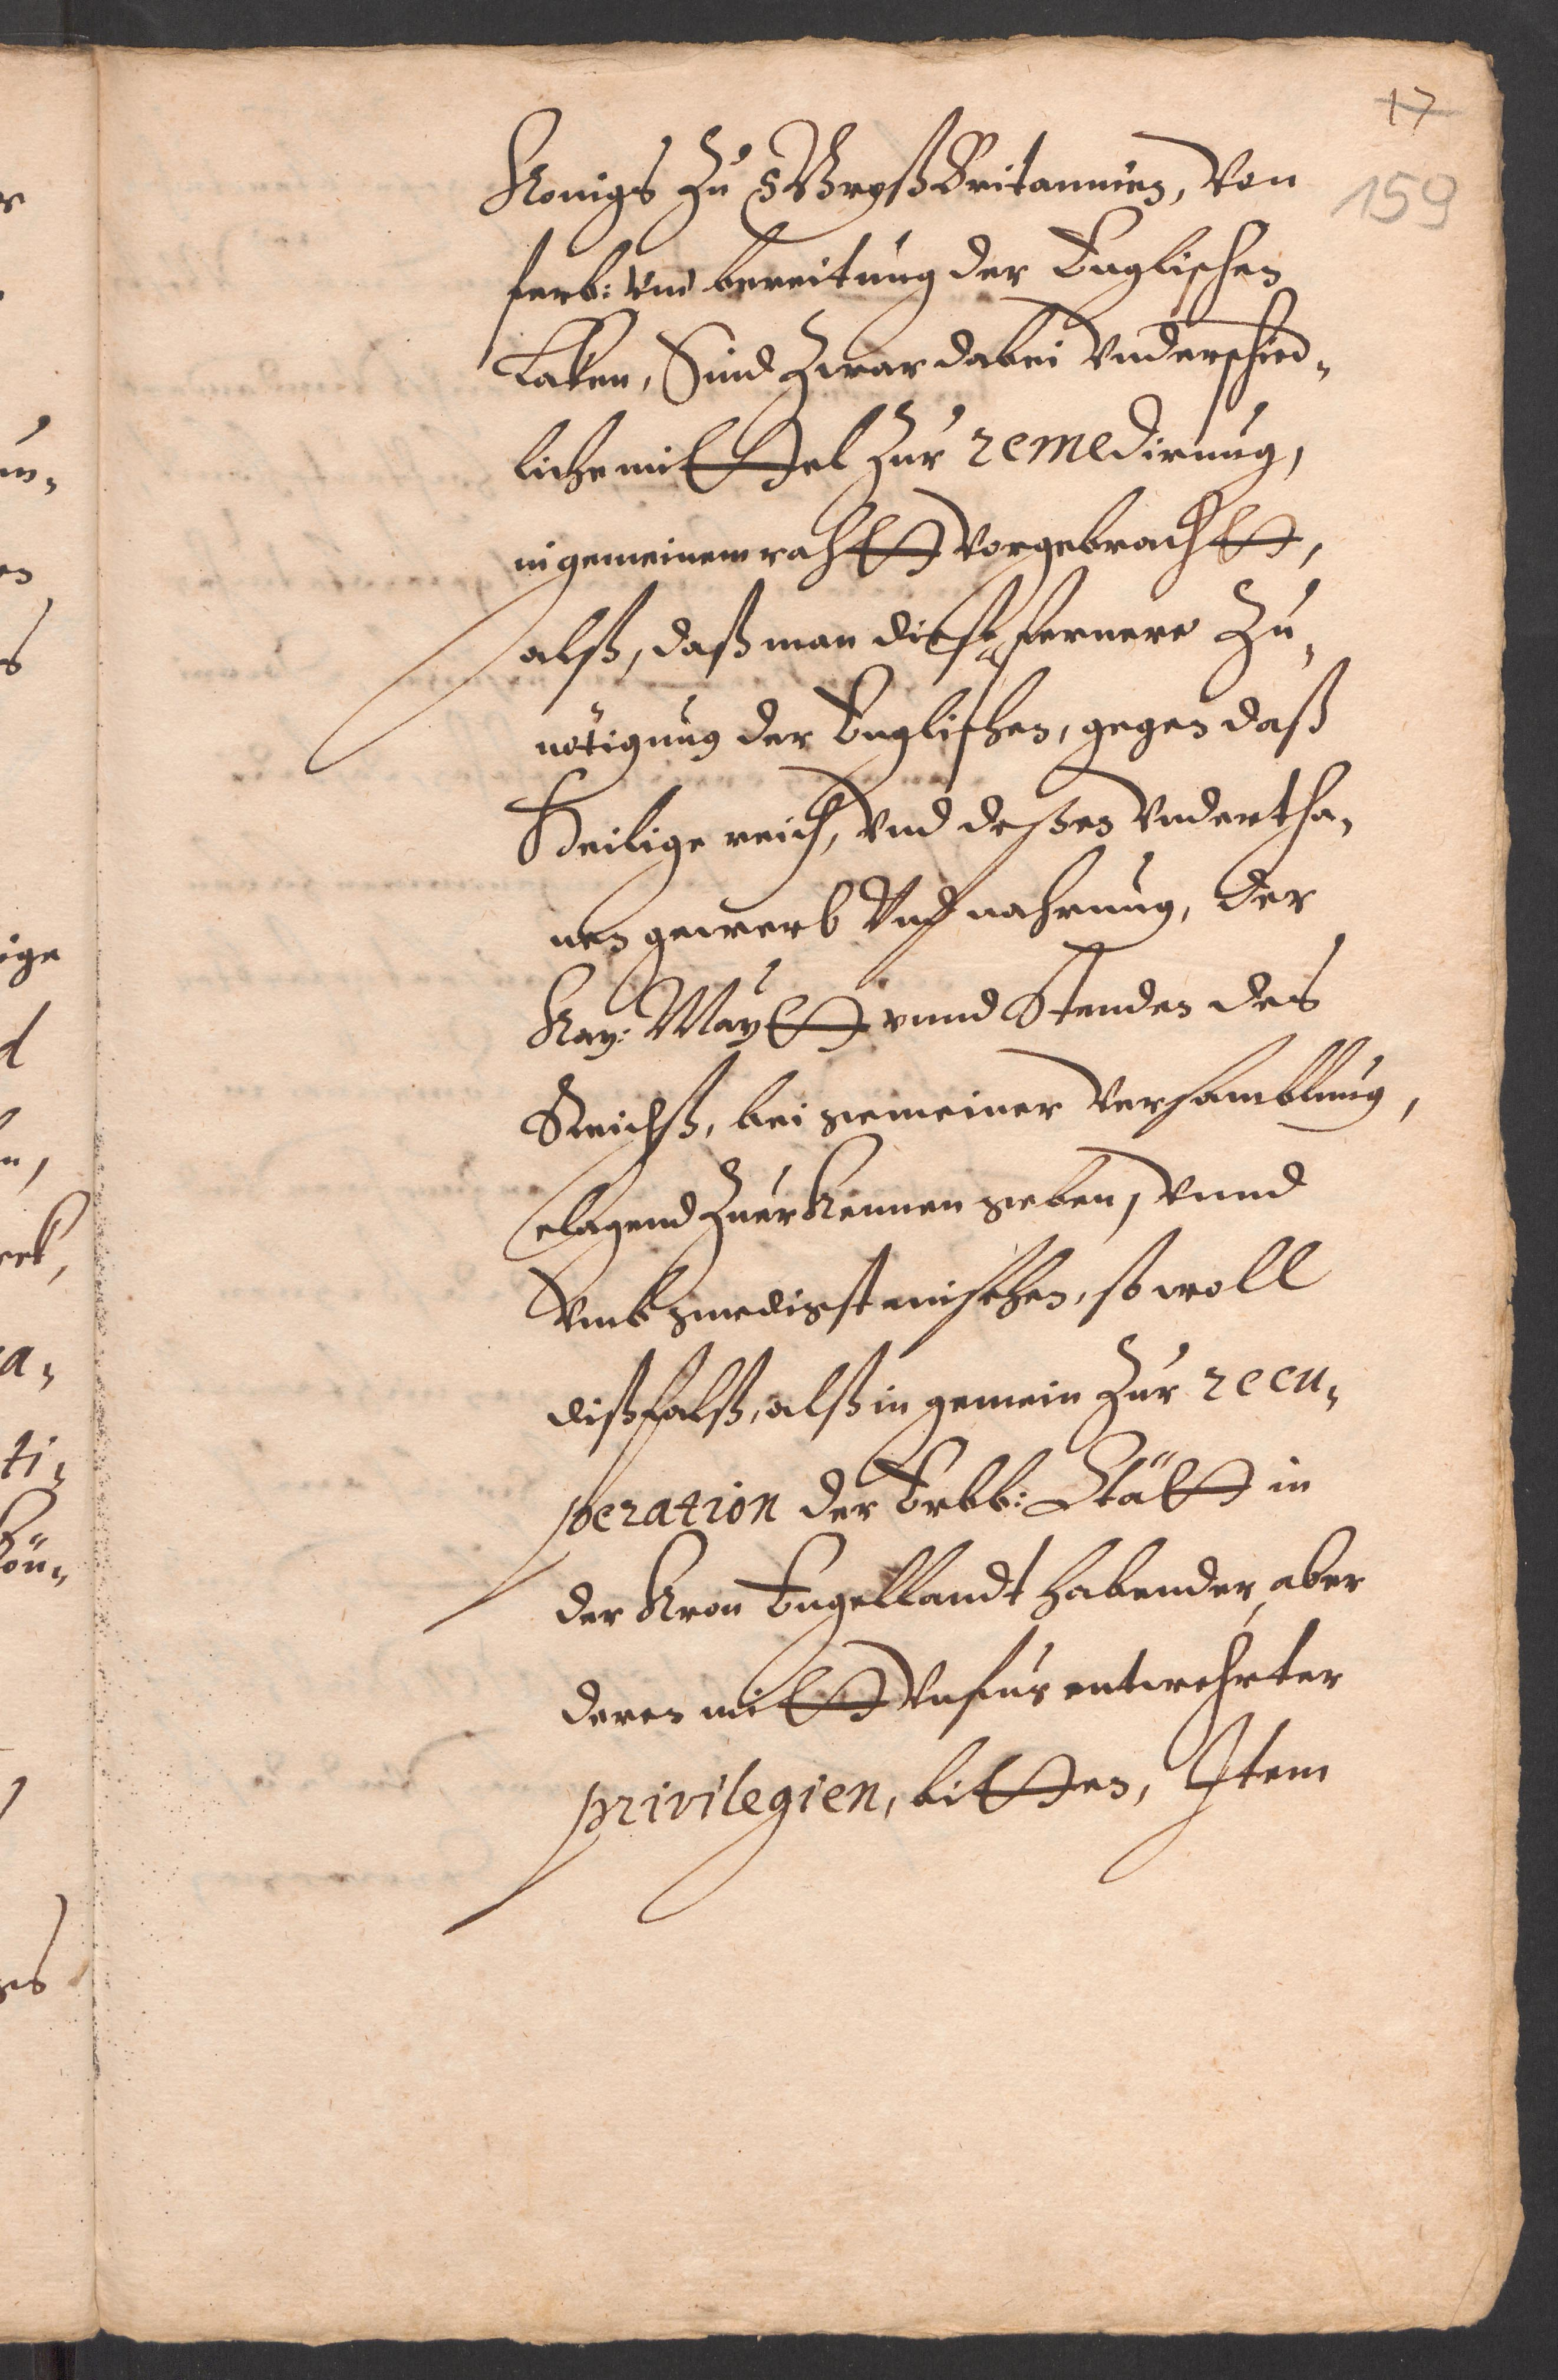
17
Konigs zu Groß Britannien, von
ferb: vnd bereitung der Englischen
Laken, Sind zwar dabei vnderschied¬
liche mittel zur remedirung,
in gemeinem rahtt vorgebrachtt,
alß, daß man diese fernere zu¬
nötigung der Englischen, gegen daß
Heilige reich, vnd deßen vndertha¬
nen gewerb vnd nahrung, der
Kay: Maytt vnnd Stenden des
Reichß, bei gemeiner versamblung,
clagend zuerkennen geben, vnnd
vmb gnedigst einsehen, so woll
dißfalß, alß in gemein zur recu¬
peration der Erbb: Stätt in
der kron Engellandt habender, aber
deren mitt vnfug entwehrter
privilegien, bitten, Item
